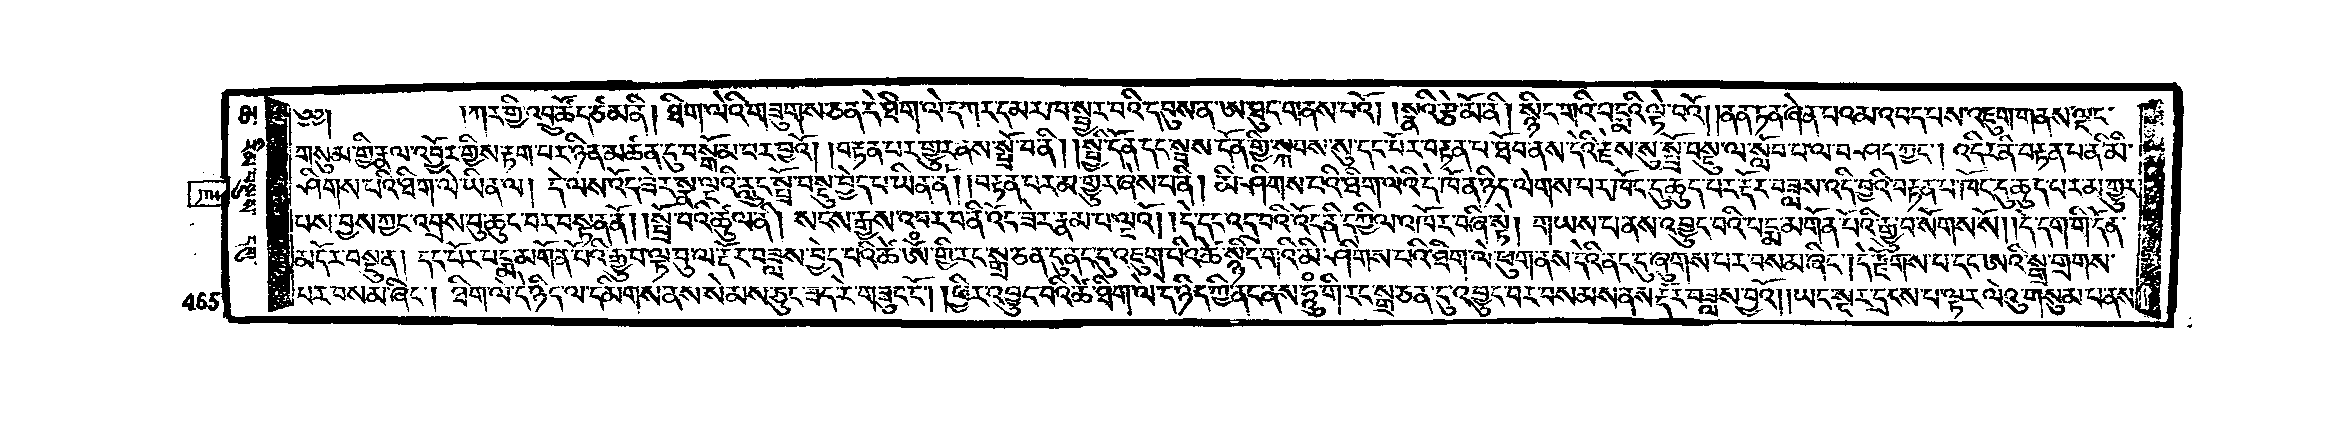༄༅། །ཀར་གྱི་འབྲུ་ཚོད་ཙམ་ནི། ཐིག་ལེའི་གཟུགས་ཅན་དེ་ཐིག་ལེ་དཀར་དམར་ཁ་སྦྱར་བའི་དབུས་ན་ཨ་ཐུང་གནས་པའོ། །སྣའི་རྩེ་མོ་ནི། སྙིང་གའི་པདམའི་ལྟེ་བའོ། །ནན་ཏན་ཞེན་པའམ་འབད་པས་འཇུག་གནས་ལྡང་
གསུམ་གྱི་རྣལ་འབྱོར་གྱིས་རྟག་པར་ཉིན་མཚན་དུ་བསྒོམ་པར་བྱའོ། །བརྟན་པར་གྱུར་ནས་སྤྲོ་བ་ནི། །སྤྱི་དོན་དང་སྦས་དོན་གྱི་སྐབས་སུ་དང་པོར་བརྟན་པ་ཐོབ་ནས་དེའི་རྗེས་སུ་སྤྲོ་བསྡུ་ལ་སློབ་པ་ལ་བཤད་ཀྱང་། འདིར་ནི་བརྟན་པ་ནི་མི་
ཤིགས་པའི་ཐིག་ལེ་ཡིན་ལ། དེ་ལས་འོད་ཟེར་སྣ་ལྔའི་རླུང་སྤྲོ་བསྡུ་བྱེད་པ་ཡིན་ནོ། །བརྟན་པར་མ་གྱུར་ཞེས་པ་ནི། མི་ཤིགས་པའི་ཐིག་ལེའི་དེ་ཁོ་ན་ཉིད་ལེགས་པར་ཁོང་དུ་ཆུད་པར་རྡོར་བཟླས་འདི་བྱའི་བརྟན་པ་ཁོང་དུ་ཆུད་པར་མ་གྱུར་
པས་བྱས་ཀྱང་འབྲས་བུ་ཆུང་བར་བསྟན་ནོ། །སྤྲོ་བའི་ཚུལ་ནི། སངས་རྒྱས་འབར་བ་ནི་འོད་ཟེར་རྣམ་པ་ལྔའོ། །དེ་དང་འདྲ་བའི་འོད་ནི་དཀྱིལ་འཁོར་བཞི་སྟེ། གཡས་པ་ནས་འབྱུང་བའི་པདམ་མགོན་པོའི་རྒྱུ་བ་སོགས་སོ། །དེ་དག་གི་དོན་
མདོར་བསྡུ་ན། དང་པོར་པདམ་མགོན་པོའི་རྒྱུ་བ་ལྟ་བུ་ལ་རྡོར་བཟླས་བྱེད་པའི་ཚེ་ཨོཾ་གྱི་རང་སྒྲ་ཅན་དུ་ནང་དུ་འཇུག་པའི་ཚེ་སྙིང་གའི་མི་ཤིགས་པའི་ཐིག་ལེ་ཕུག་ནས་དེའི་ནང་དུ་ཞུགས་པར་བསམ་ཞིང་། དེ་རྫོགས་པ་ངང་ཨཱི་སྒྲ་གྲགས་
པར་བསམ་ཞིང་། ཐིག་ལེ་དེ་ཉིད་ལ་དམིགས་ནས་སེམས་ཅུང་ཟད་རེ་གཟུང་ངོ། །ཕྱིར་འབྱུང་བའི་ཚེ་ཐིག་ལེ་དེ་ཉིད་ཀྱི་ནང་ནས་ཧཱུཾ་གི་རང་སྒྲ་ཅན་དུ་འབྱུང་བར་བསམས་ནས་རྡོར་བཟླས་བྱའོ། །ཡང་སྔར་དྲངས་པ་ལྟར་ལེའུ་གསུམ་པ་ནས་